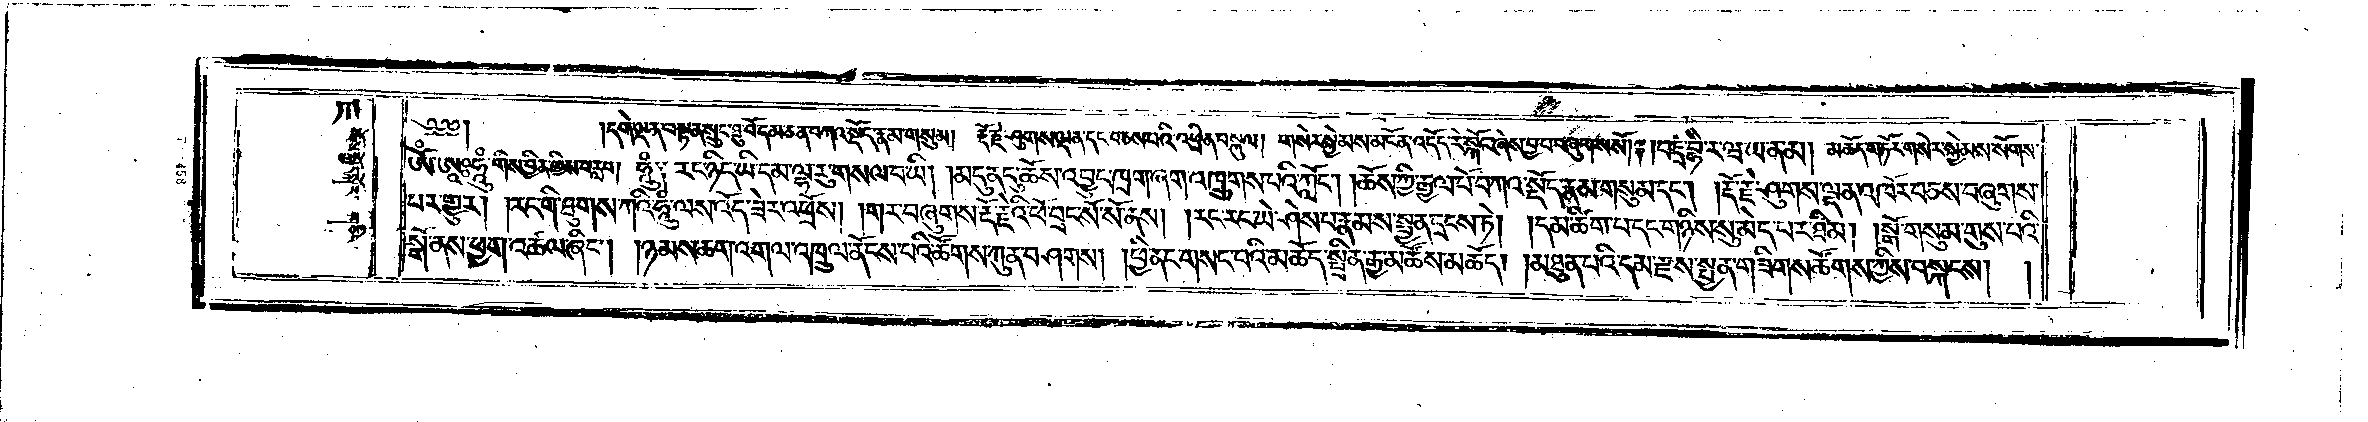༄༅༅། །དགེ་ལྡན་བསྟན་སྲུང་ཐུ་བོ་དམ་ཅན་བཀའ་སྡོད་རྣམ་གསུམ། རྡོ་རྗེ་ཤུགས་ལྡན་དང་བཅས་པའི་འཕྲིན་བསྐུལ། གསེར་སྐྱེམས་མངོན་འདོད་རེ་སྐོང་ཞེས་བྱ་བ་བཞུགས་སོ། ༈ །བཛྲ་བྷཻ་ར་ཝ་ཡ་ན་མ། མཆོད་གཏོར་གསེར་སྐྱེམས་སོགས
ཨོཾ་ཨཱཿཧཱུཾ་གིས་བྱིན་གྱིས་བརླབ།  ཧཱུཾ༑རང་ཉིད་ཡི་དམ་ལྷ་རུ་གསལ་བ་ཡི། །མདུན་དུ་ཆོས་འབྱུང་ཁྲག་ཞག་འཁྲུགས་པའི་ཀློང་། །ཆོས་ཀྱི་རྒྱལ་པོ་བཀའ་སྡོད་རྣམ་གསུམ་དང་། །རྡོ་རྗེ་ཤུགས་ལྡན་འཁོར་བཅས་བཞུགས་
པར་གྱུར། །རང་གི་ཐུགས་ཀའི་ཧཱུཾ་ལས་འོད་ཟེར་འཕྲོས། །གར་བཞུགས་རྡོ་རྗེའི་ཕོ་བྲང་སོ་སོ་ནས། །རང་རང་ཡེ་ཤེས་པ་རྣམས་སྤྱན་དྲངས་ཏེ། །དམ་ཚིག་པ་དང་གཉིས་སུ་མེད་པར་ཐིམ། །སྒོ་གསུམ་གུས་བའི་
སྒོ་ནས་ཕྱག་འཚལ་ཞིང་། །ཉམས་ཆག་འགལ་འཁྲུལ་ནོངས་པའི་ཚོགས་ཀུན་བཤགས། །ཕྱི་ནང་གསང་བའི་མཆོད་སྤྲིན་རྒྱ་མཚོས་མཆོད། །མཐུན་པའི་དམ་རྫས་སྤྱན་གཟིགས་ཚོགས་ཀྱིས་བསྐངས། །